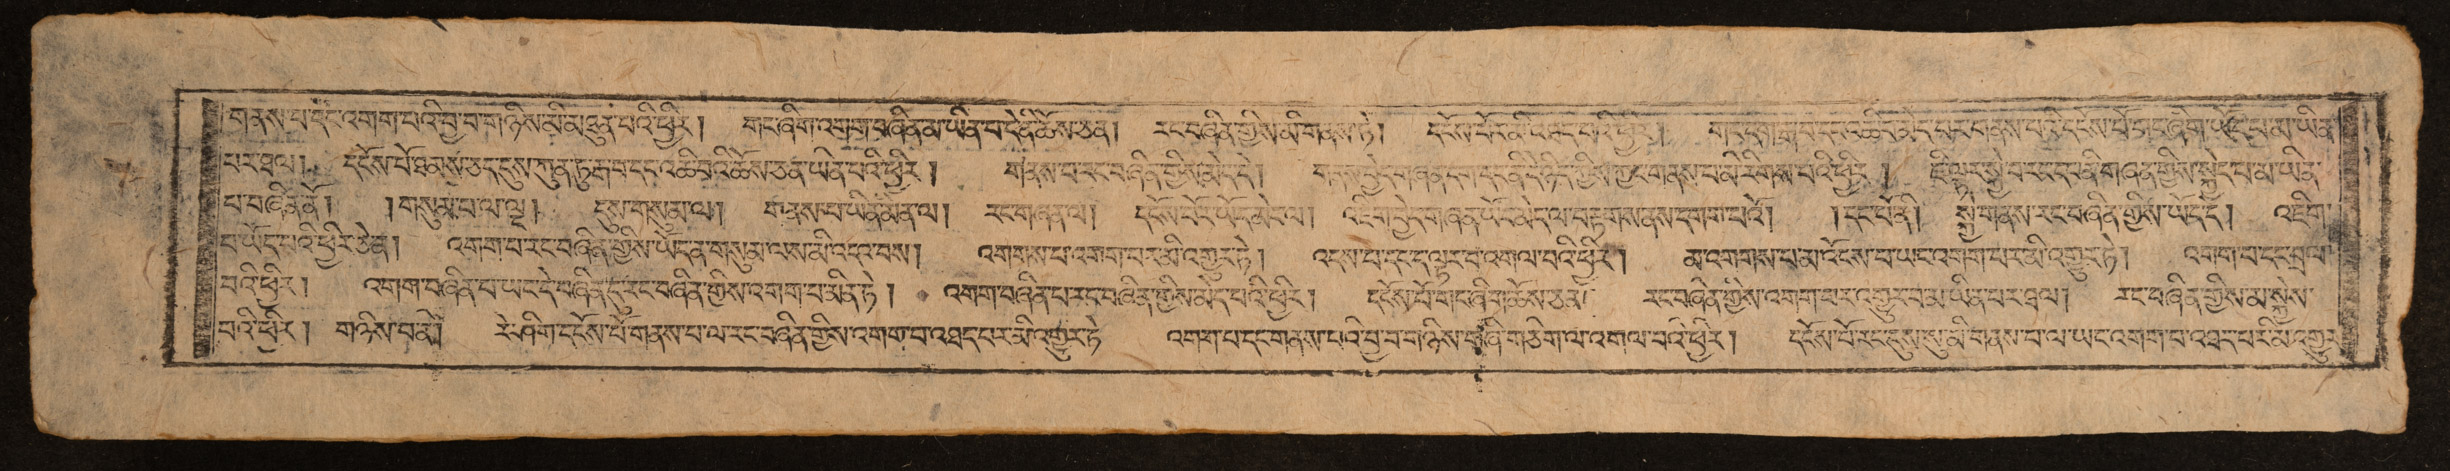གནས་པ་དང་འགག་པའི་བྱ་བ་གཉིས་མི་མཐུན་པའི་ཕྱིར། གང་ཞིག་འགག་བཞིན་མ་ཡིན་པ་དེ་ནི་ཆོས་ཅན། རང་བཞིན་གྱིས་མི་གནས་ཏེ། དངོས་པོར་མི་འཐད་པའི་ཕྱིར། གང་དག་རྒ་བ་དང་འཆི་བ་མེད་པར་གནས་པའི་དངོས་པོ་གང་ཞིག་ཡོད་པ་མ་ཡིན་
པར་ཐལ། དངོས་པོ་ཐམས་ཅད་དུས་ཀུན་ཏུ་རྒ་བ་དང་འཆི་བའི་ཆོས་ཅན་ཡིན་པའི་ཕྱིར། གནས་པ་རང་བཞིན་གྱིས་མེད་དེ། གནས་བྱེད་གཞན་དག་དང་ནི་དེ་ཉིད་ཀྱིས་ཀྱང་གནས་པ་མི་རིགས་པའི་ཕྱིར། ཇི་ལྟར་སྐྱེ་བ་རང་དང་ནི་གཞན་གྱིས་སྐྱེད་པ་མ་ཡིན་
པ་བཞིན་ནོ། །གསུམ་པ་ལ་ལྔ། དུས་གསུམ་ལ། གནས་པ་ཡིན་མིན་ལ། རང་གཞན་ལ། དངོས་པོར་ཡོད་མེད་ལ། འཇིག་བྱེད་གཞན་ཡོང་མེད་ལ་བརྟགས་ནས་དགག་པའོ། །དང་པོ་ནི། སྐྱེ་གནས་རང་བཞིན་གྱིས་ཡོད་དེ། འཇིག་
པ་ཡོད་པའི་ཕྱིར་ཅེ་ན། འགག་པ་རང་བཞིན་གྱིས་ཡོད་ན་གསུམ་ལས་མི་འདའ་བས། འགགས་པ་འགག་པར་མི་འགྱུར་ཏེ། འདས་པ་དང་ད་ལྟར་བ་འགལ་བའི་ཕྱིར། མ་འགགས་པ་མ་འོངས་པ་ཡང་འགག་པར་མི་འགྱུར་ཏེ། འགག་པ་དང་བྲལ་
བའི་ཕྱིར། འགག་བཞིན་པ་ཡང་དེ་བཞིན་དུ་རང་བཞིན་གྱིས་འགག་པ་མིན་ཏེ། འགག་བཞིན་པ་རང་བཞིན་གྱིས་མེད་པའི་ཕྱིར། དངོས་པོ་གང་ཞིག་ཆོས་ཅན། རང་བཞིན་གྱིས་འགག་པར་འགྱུར་བ་མ་ཡིན་པར་ཐལ། རང་བཞིན་གྱིས་མ་སྐྱེས་
པའི་ཕྱིར། གཉིས་པ་ནི། རེ་ཤིག་དངོས་པོ་གནས་པ་ལ་རང་བཞིན་གྱིས་འགག་པ་འཐད་པར་མི་འགྱུར་ཏེ། འགག་པ་དང་གནས་པའི་བྱ་བ་གཉིས་གཞི་གཅིག་ལ་འགལ་བའི་ཕྱིར། དངོས་པོ་རང་དུས་སུ་མི་གནས་པ་ལ་ཡང་འགག་པ་འཐད་པར་མི་འགྱུར་